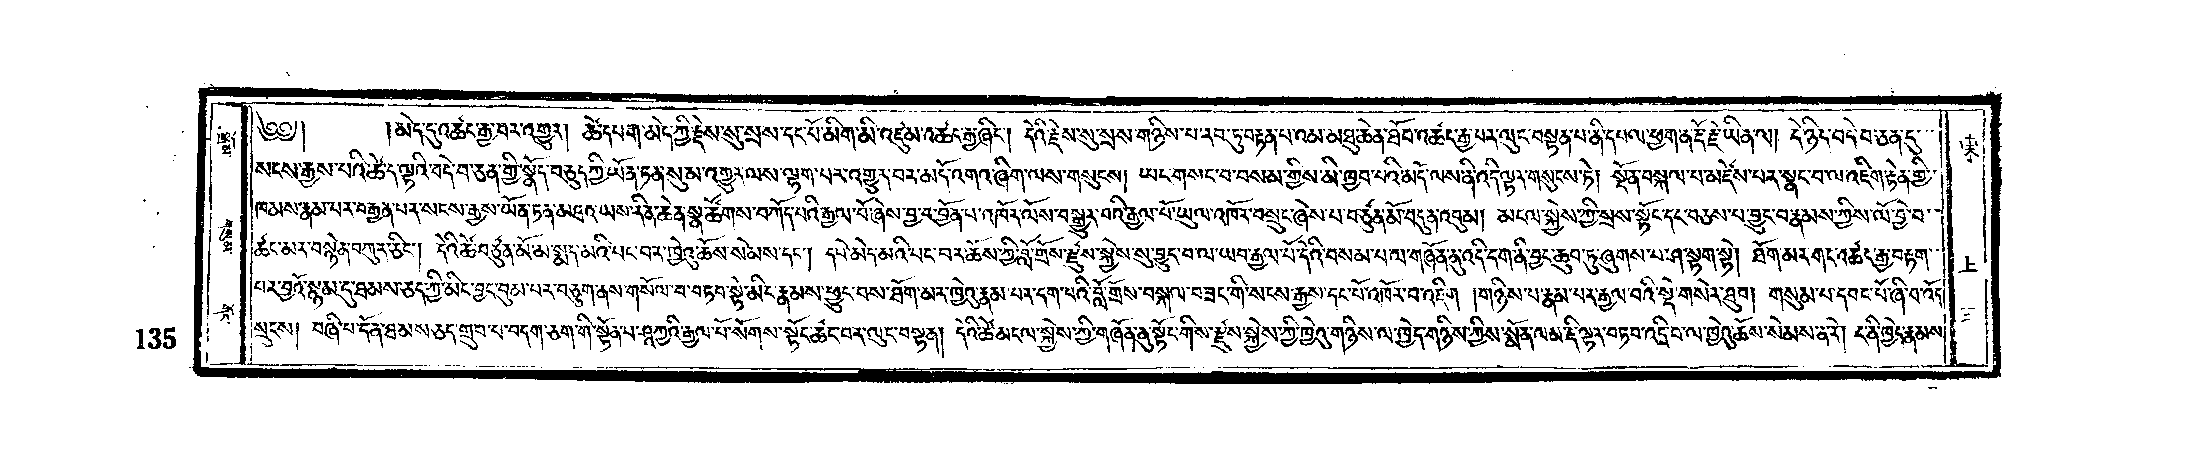༄༅། །མེད་དུ་འཚང་རྒྱ་བར་འགྱུར། ཚེ་དཔག་མེད་ཀྱི་རྗེས་སུ་སྲས་དང་པོ་མིག་མི་འཛུམ་འཚང་རྒྱ་ཞིང་། དེའི་རྗེས་སུ་སྲས་གཉིས་པ་རབ་ཏུ་བརྟན་པ་འམ་མཐུ་ཆེན་ཐོབ་འཚང་རྒྱ་པར་ལུང་བསྟན་པ་ནི་དཔལ་ཕྱག་ན་རྡོ་རྗེ་ཡིན་ལ། དེ་ཉིད་བདེ་བ་ཅན་དུ་
སངས་རྒྱས་པའི་ཚེ་ད་ལྟའི་བདེ་བ་ཅན་གྱི་སྣོད་བཅུད་ཀྱི་ཡོན་གསུངས་ཏེ། སྔོན་བསྐལ་པ་མཛེས་པར་སྣང་བ་ལ་འཇིག་རྟེན་གྱི་ཡང་གསང་བ་བསམ་གྱིས་མི་ཁྱབ་པའི་མདོ་ལས་ནི་འདི་ལྟར་གསུངས་ཏེ། སྔོན་བསྐལ་པ་མཛེས་པར་སྣང་བ་ལ་འཇིག་རྟེན་གྱི་
ཁམས་རྣམ་པར་བརྒྱན་པར་སངས་རྒྱས་ཡོན་ཏན་མཐའ་ཡས་རིན་ཆེན་སྣ་ཚོགས་བཀོད་པའི་རྒྱལ་པོ་ཞེས་བྱ་བ་བྱོན་པ་འཁོར་ལོས་བསྒྱུར་བའི་རྒྱལ་པོ་ཡུལ་འཁོར་བསྲུང་ཞེས་པ་བཙུན་མོ་བདུན་འབུམ། མངལ་སྐྱེས་ཀྱི་སྲས་སྟོང་དང་བཅས་པ་བྱུང་བ་རྣམས་ཀྱིས་ལོ་བྱེ་བ་
ཚང་མར་བསྙེན་བཀུར་ཅིང་། དེའི་ཚེ་བཙུན་མོ་མ་སྨད་མའི་པང་བར་ཁྱེའུ་ཆོས་སེམས་དང་། དཔེ་མེད་མའི་པང་བར་ཆོས་ཀྱི་བློ་གྲོས་རྫུས་སྐྱེས་སུ་བྱུང་བ་ལ་ཡབ་རྒྱལ་པོ་དེའི་བསམ་པ་ལ་གཞོན་ནུ་འདི་དག་ནི་བྱང་ཆུབ་ཏུ་ཞུགས་པ་ཤ་སྟག་སྟེ། ཐོག་མར་གང་འཚང་རྒྱ་བརྟག་
པར་བྱའོ་སྙམ་དུ་ཐམས་ཅད་ཀྱི་མིང་བྱང་བུམ་པར་བཅུག་ནས་གསོལ་བ་བཏབ་སྟེ་མིང་རྣམས་ཕྱུང་བས་ཐོག་མར་ཁྱེའུ་རྣམ་པར་དག་པའི་བློ་གྲོས་བསྐལ་བཟང་གི་སངས་རྒྱས་དང་པོ་འཁོར་བ་འཇིག །གཉིས་པ་རྣམ་པར་རྒྱལ་བའི་སྡེ་གསེར་ཐུབ། གསུམ་པ་དབང་པོ་ཞི་བ་འོད་
སྲུངས། བཞི་པ་དོན་ཐམས་ཅད་གྲུབ་པ་བདག་ཅག་གི་སྟོན་པ་ཤཱཀྱའི་རྒྱལ་པོ་སོགས་སྟོང་ཚང་བར་ལུང་བསྟན། དེའི་ཚེ་མངལ་སྐྱེས་ཀྱི་གཞོན་ནུ་སྟོང་གིས་རྫུས་སྐྱེས་ཀྱི་ཁྱེའུ་གཉིས་ལ་ཁྱེད་གཉིས་ཀྱིས་སྨོན་ལམ་ཇི་ལྟར་བཏབ་འདྲི་བ་ལ་ཁྱེའུ་ཆོས་སེམས་ན་རེ། ང་ནི་ཁྱེད་རྣམས་